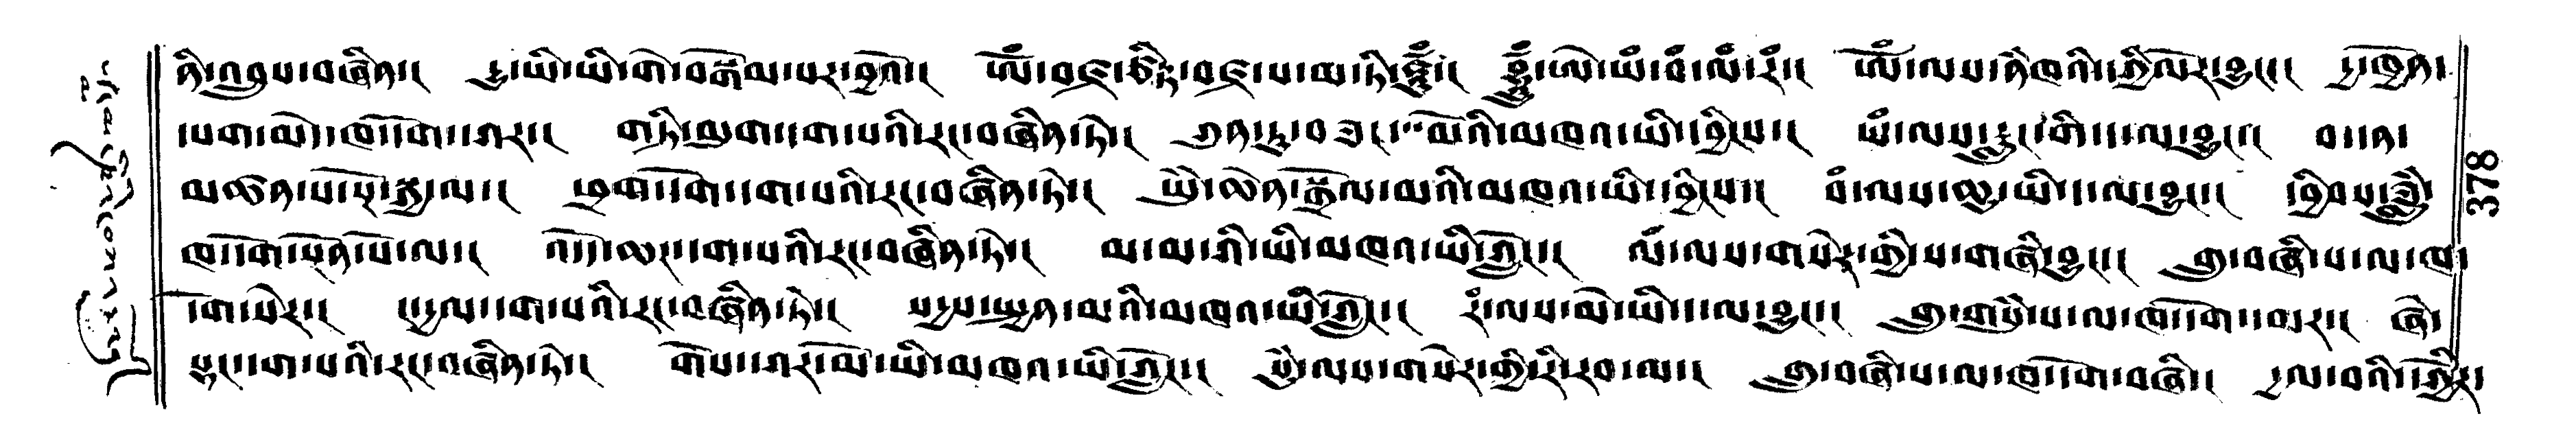ནི་འབྲས་བུ་བཞིན། །རྒྱུ་ཡི་ཡི་གེ་བསྒོམ་པར་བྱའོ། ཨོཾ་བཛྲ་ཙིཏྟ་བཛྲ་ས་མ་ཏི་ཧཱུྃ། བྷྲཱུྃ་ཨེ་ཡཾ་བཾ་ལཾ་རཾ། ཨོཾ་ལས་ནམ་མཁའི་དཀྱིལ་འཁོར་བྱུང་། །རྒྱ་ཁྱོན་
དཔག་མེད་ཁ་དོག་དཀར། །གཏི་མུག་དག་པའི་རང་བཞིན་ཏེ། །ཀུན་ཏུ་བཟང་མོའི་མཁའ་ཡི་དབྱིངས། །ཡཾ་ལས་རླུང་གི་ད་ལ་བྱུང་། །བ་དན་
མཚན་པ་སྔོ་སྐྱ་ལ། །ཕྲག་དོག་དག་པའི་རང་བཞིན་ཏེ། ཡུམ་ཆེན་སྒྲོལ་མའི་མཁའ་ཡི་དབྱིངས། །བཾ་ལས་ཆུ་ཡིད་ལ་བྱུང་། །དབྱིབས་ཟླུམ་
ཁ་དོག་སྔོན་པོ་ལ། །འདོད་ཆགས་དག་པའི་རང་བཞིན་ཏེ། །མ་མ་ཀི་ཡི་མཁའ་ཡི་ཀློང་། །ལཾ་ལས་གསེར་གྱི་ས་གཞི་བྱུང་། །གྲུ་བཞི་པ་ལ་ཁ་
དོག་སེར། །ང་རྒྱལ་དག་པའི་རང་བཞིན་ཏེ། །སངས་རྒྱས་སྤྱན་མའི་མཁའ་ཡི་ཀློང་། །རཾ་ལས་མེ་ཡི་ད་ལ་བྱུང་། །གྲུ་གསུམ་པ་ལ་ཁ་དོག་དམར། །ཞེ་
སྡང་དག་པའི་རང་བཞིན་ཏེ། གོས་དཀར་མོ་ཡི་མཁའ་ཡི་ཀློང་། སུཾ་ལས་གསེར་གྱི་རི་རབ་ལ། །གྲུ་བཞི་པ་ལ་ཁ་དོག་བཞི། །རྒྱལ་བའི་དཀྱིལ་འཁོར་